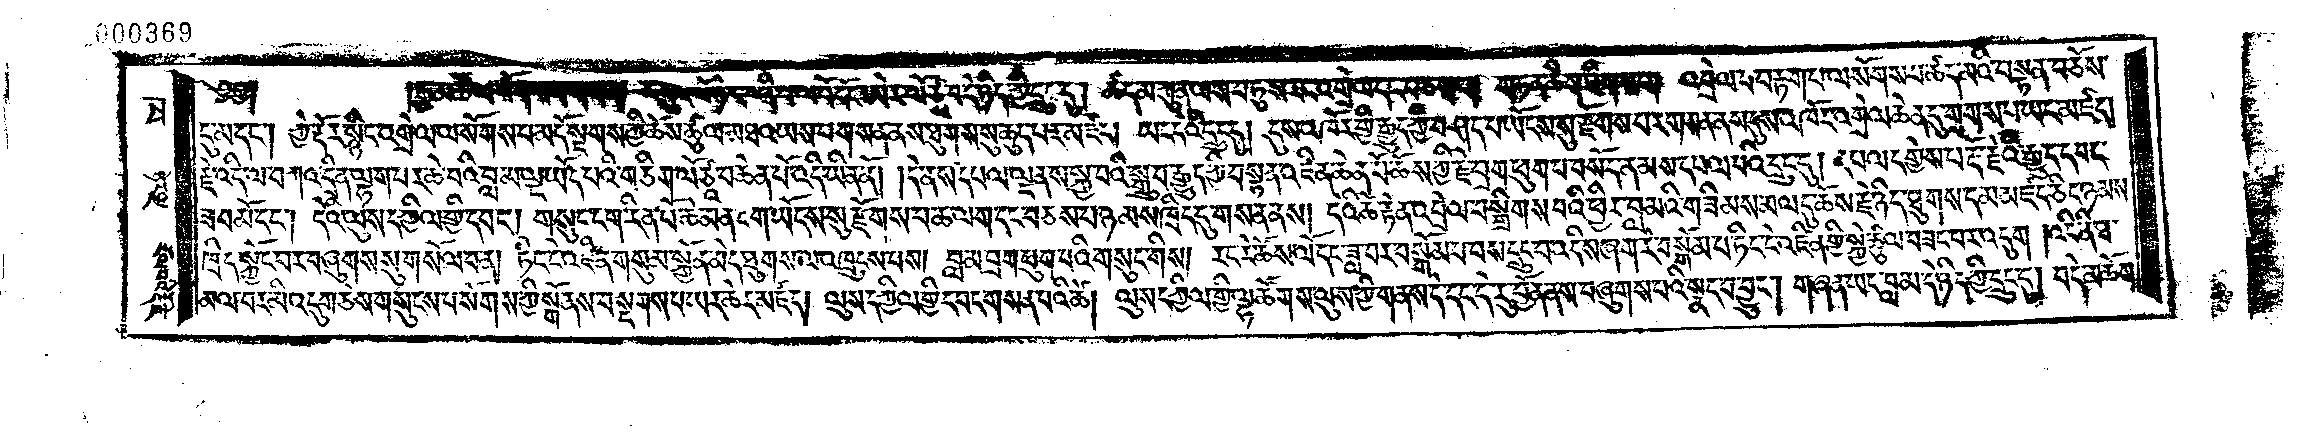༄༅། །རྒྱ་མཚོ་ལ་སོགས་པ་གསན། དགུང་ལོ་ཉེར་བཞི་པ་ལ་པོ་དོང་ཨེར་ལོ་ཙཱ་བ་དེ་ཉིད་ཀྱི་དྲུང་དུ། ཚད་མ་ཀུན་ལས་བཏུས་རང་འགྲེལ་དང་བཅས་པ། གཏན་ཚིག་ཐིགས་པ། འབྲེལ་བ་བརྟག་པ་ལ་སོགས་པ་ཚད་མའི་བསྟན་བཅོས་
དུ་མ་དང་། ཀྱེ་རྡོར་སྙིང་འགྲེལ་ལ་སོགས་པ་མདོ་སྔགས་ཀྱི་ཆོས་ཚུལ་མཐའ་ཡས་པ་གསན་ནས་ཐུགས་སུ་ཆུད་པར་མཛད། ཡང་དེའི་དྲུང་དུ། དུས་འཁོར་གྱི་རྒྱུད་ཀྱི་བཤད་པ་ཡོངས་སུ་རྫོགས་པར་གསན་ནས་དུས་འཁོར་འགྲེལ་ཆེན་དུ་གྲགས་པ་ཡང་མཛད།
རྗེ་འདི་ལ་བཀའ་དྲིན་ལྷག་པར་ཆེ་བའི་བླ་མ་ལྔ་ཡོད་པའི་གཅིག་ལོ་ཙཱ་བ་ཆེན་པོ་འདི་ཡིན་ནོ། །དེ་ནས་དཔལ་ལྡན་ས་སྐྱ་བའི་སྒྲུབ་རྒྱུད་ཀྱི་བསྟན་འཛིན་ཆེན་པོ་ཆོས་ཀྱི་རྗེ་བྲག་ཕུག་པ་བསོད་ནམས་དཔལ་པའི་དྲུང་དུ། དཔལ་དགྱེས་པ་རྡོ་རྗེའི་རྒྱུད་དབང་
ཟབ་མོ་དང་། དེའི་ལུས་དཀྱིལ་གྱི་དབང་། གསུང་ངག་རིན་པོ་ཆེ་མན་ངག་ཡོངས་སུ་རྫོགས་པ་ཆ་ལག་དང་བཅས་པ་ཉམས་ཁྲིད་དུ་གསན་ནས། དེའི་ཚེ་རྟེན་འབྲེལ་བསྒྲིགས་པའི་ཕྱིར་བླ་མའི་གཟིམས་མལ་དུ་ཆོས་རྗེ་ཉིད་ཐུགས་དམ་མཛད་ཅིང་ཉམས་
ཁྲིད་སྐྱོང་བར་བཞུགས་སུ་གསོལ་བ་ན། ཏིང་ངེ་འཛིན་གསུམ་སྐྱོན་མེད་ཐུགས་ལ་འཁྲུངས་པས། བླ་མ་བྲག་ཕུག་པའི་གསུང་གིས། རང་རེ་ཚོས་ལོ་དང་ཟླ་བར་བསྒོམ་པ་བས་དྲུང་བ་འདིས་ཞག་རེ་བསྒོམ་པ་ཏིང་ངེ་འཛིན་གྱི་སྐྱེ་ཚུལ་བཟང་པར་འདུག །འདི་ནི་ཐ་
མལ་བར་མི་འདུག་ཅེས་གསུངས་པ་སོགས་ཀྱི་སྒོ་ནས་བསྔགས་པ་ཡར་ཆེར་མཛད། ལུས་དཀྱིལ་གྱི་དབང་གསན་པའི་ཚེ། ལུས་དཀྱིལ་གྱི་ལྷ་ཚོགས་ལུས་ཀྱི་གནས་དེ་དང་དེ་རུ་བྱོན་ནས་བཞུགས་པའི་སྣང་བ་བྱུང་། གཞན་ཡང་བླ་མ་དེ་ཉིད་ཀྱི་དྲུང་དུ། བདེ་མཆོག་